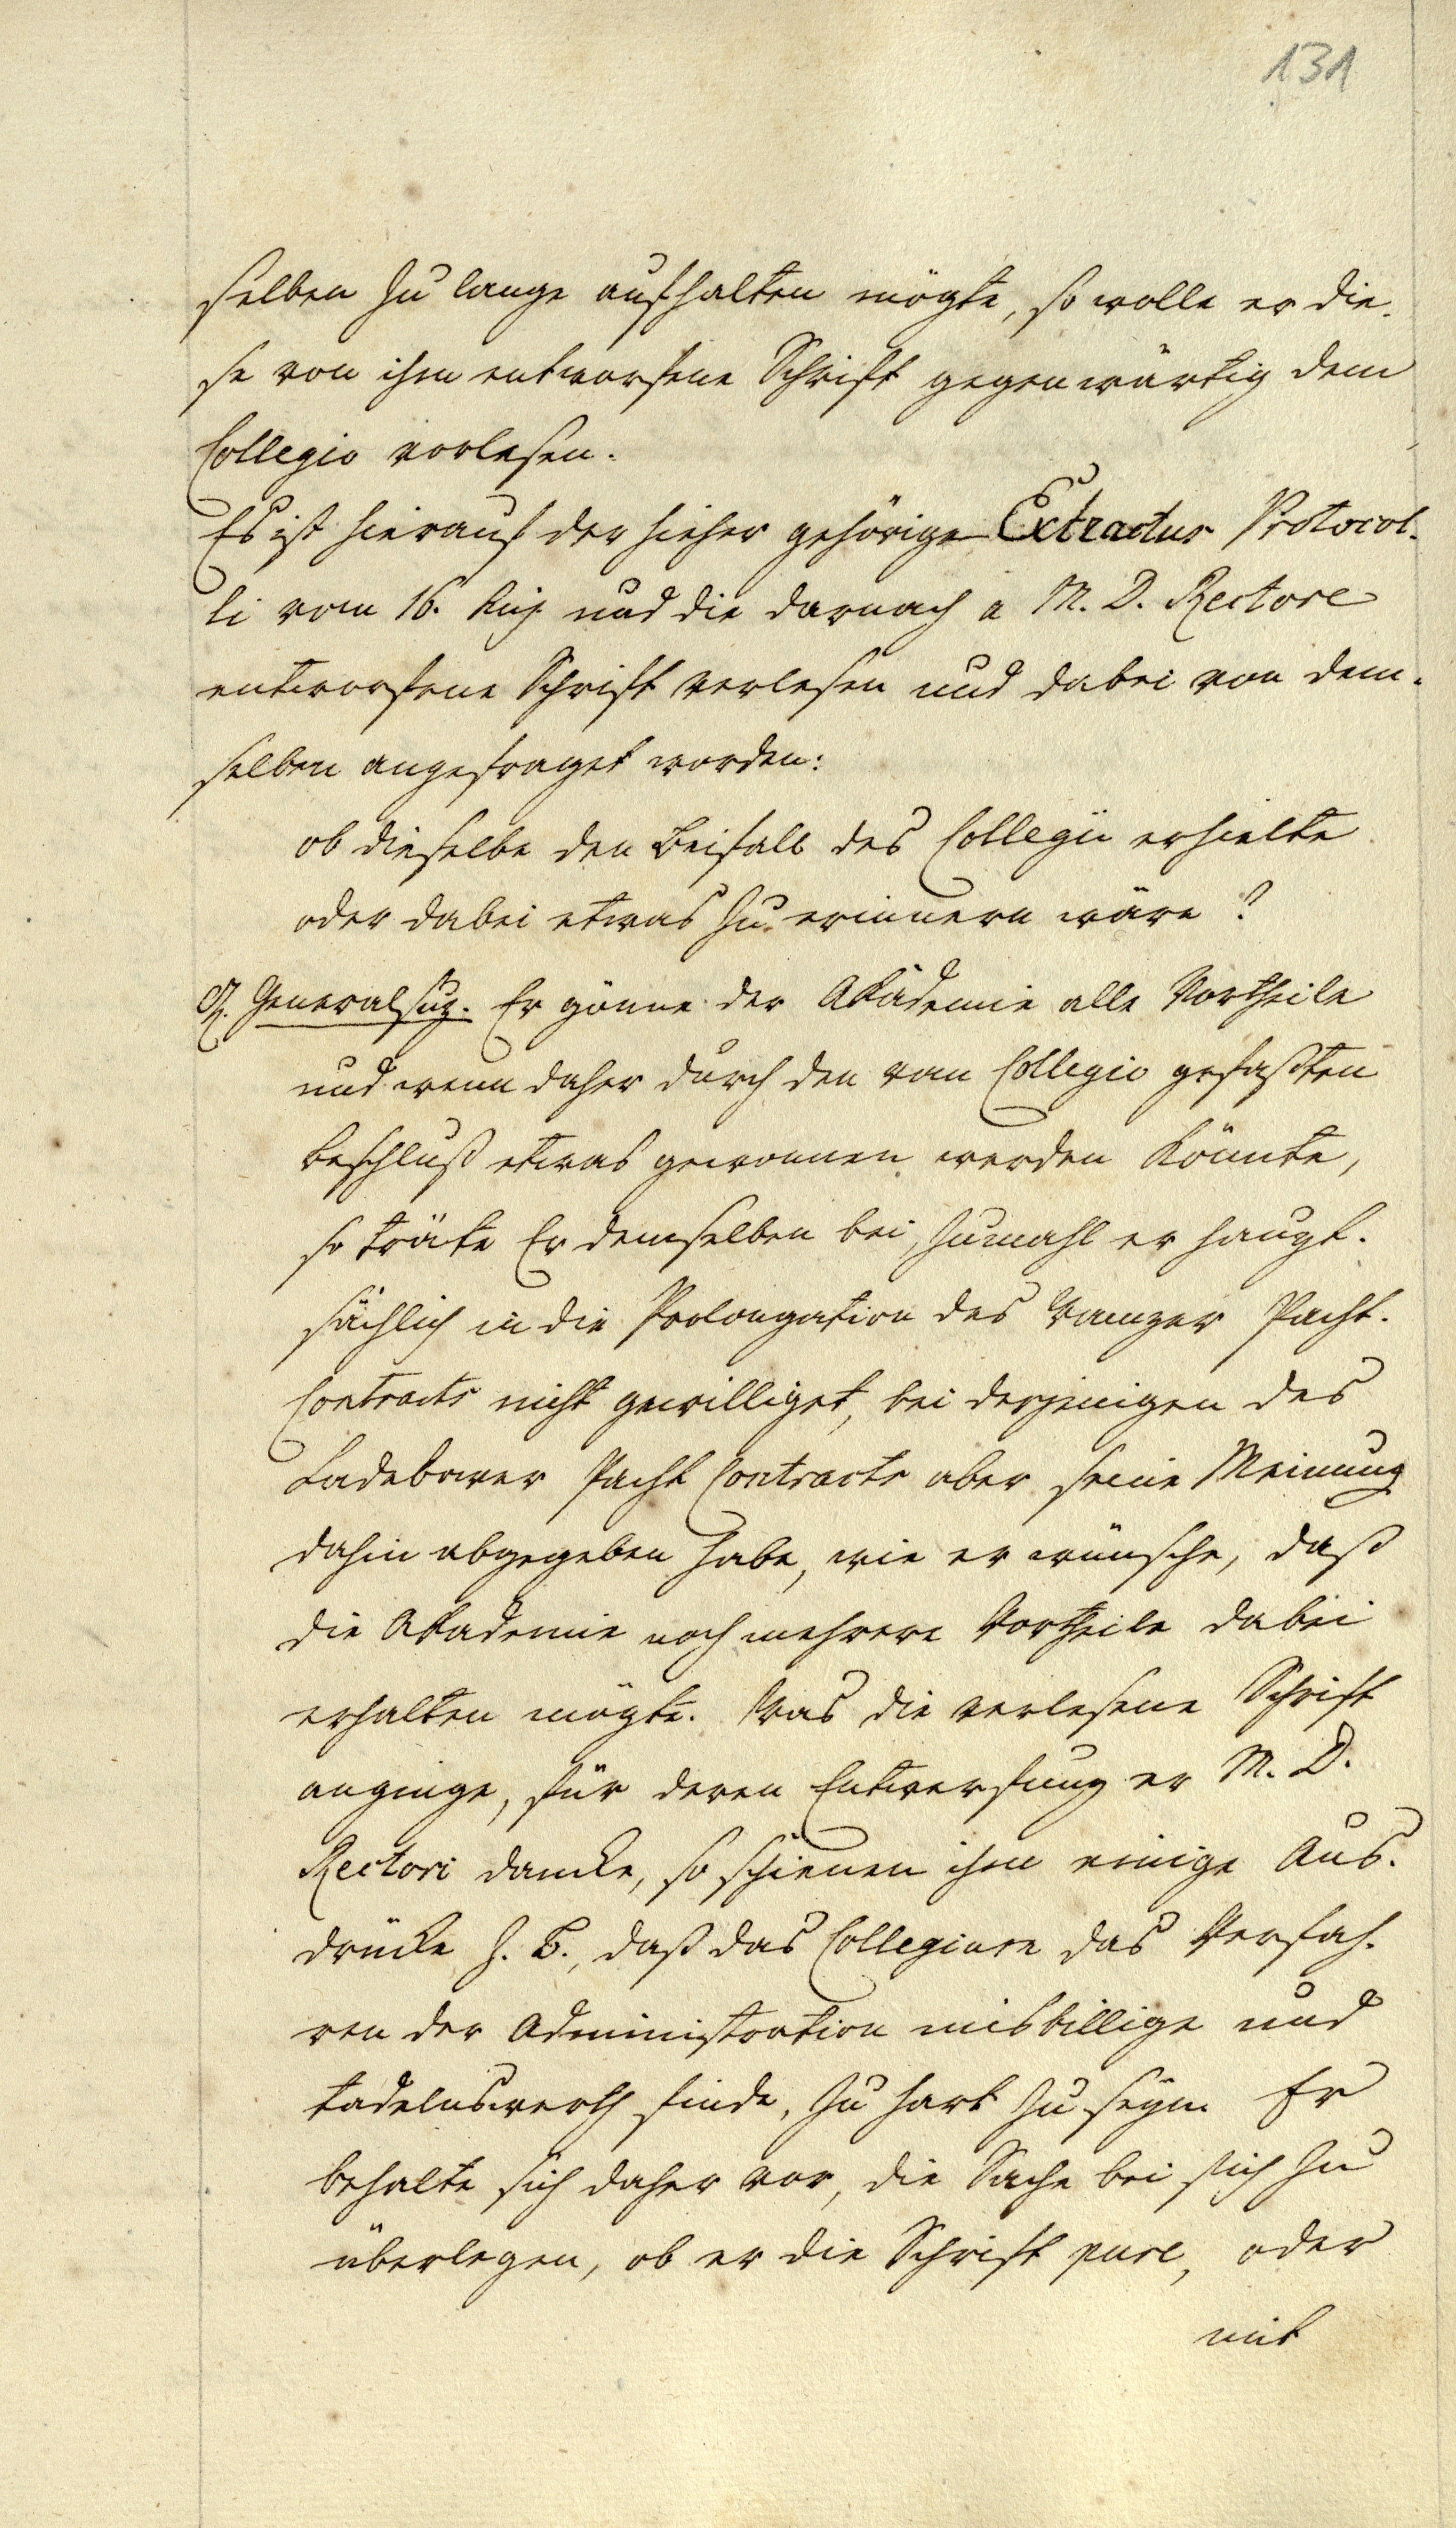selben zu lange aufhalten mögte, so wolle er die¬
se von ihm entworfene Schrift gegen wärtig dem
Collegio vorlesen.
Es ist hierauf der hieher gehörige Extractus Protocol¬
li vom 16. huj. und die darnach a M. D. Rectore
entworfene Schrift verlesen und dabei von dem¬
selben angefraget worden:
ob dieselbe den Beifall des Collegii erhielte
oder dabei etwas zu erinnern wäre?
dh. Generalsup. Er gönne der Akademie alle Vortheile
und wenn daher durch den vom Collegio gefaßten
Beschluß etwas gewonnen werden könnte,
so träte Er demselben bei, zumahl er haupt¬
sächlich in die Prolongation des Wamper Pacht¬
Contracts nicht gewilliget, bei derjenigen des
Ladebower Pacht Contracts aber seine Meinung
dahin abgegeben habe, wie er wünsche, daß
die Akademie noch mehrere Vortheile dabei
erhalten mögte. Was die verlesene Schrift
anginge, für deren Entwerfung er M. D.
Rectori dancke, so schienen ihm einige Aus¬
drücke z. B., daß das Collegium das Verfah¬
ren der Administration misbillige und
tadelnswerth finde, zu hart zu seÿen. Er
behalte sich daher vor, die Sache bei sich zu
überlegen, ob er die Schrift pure, oder
mit